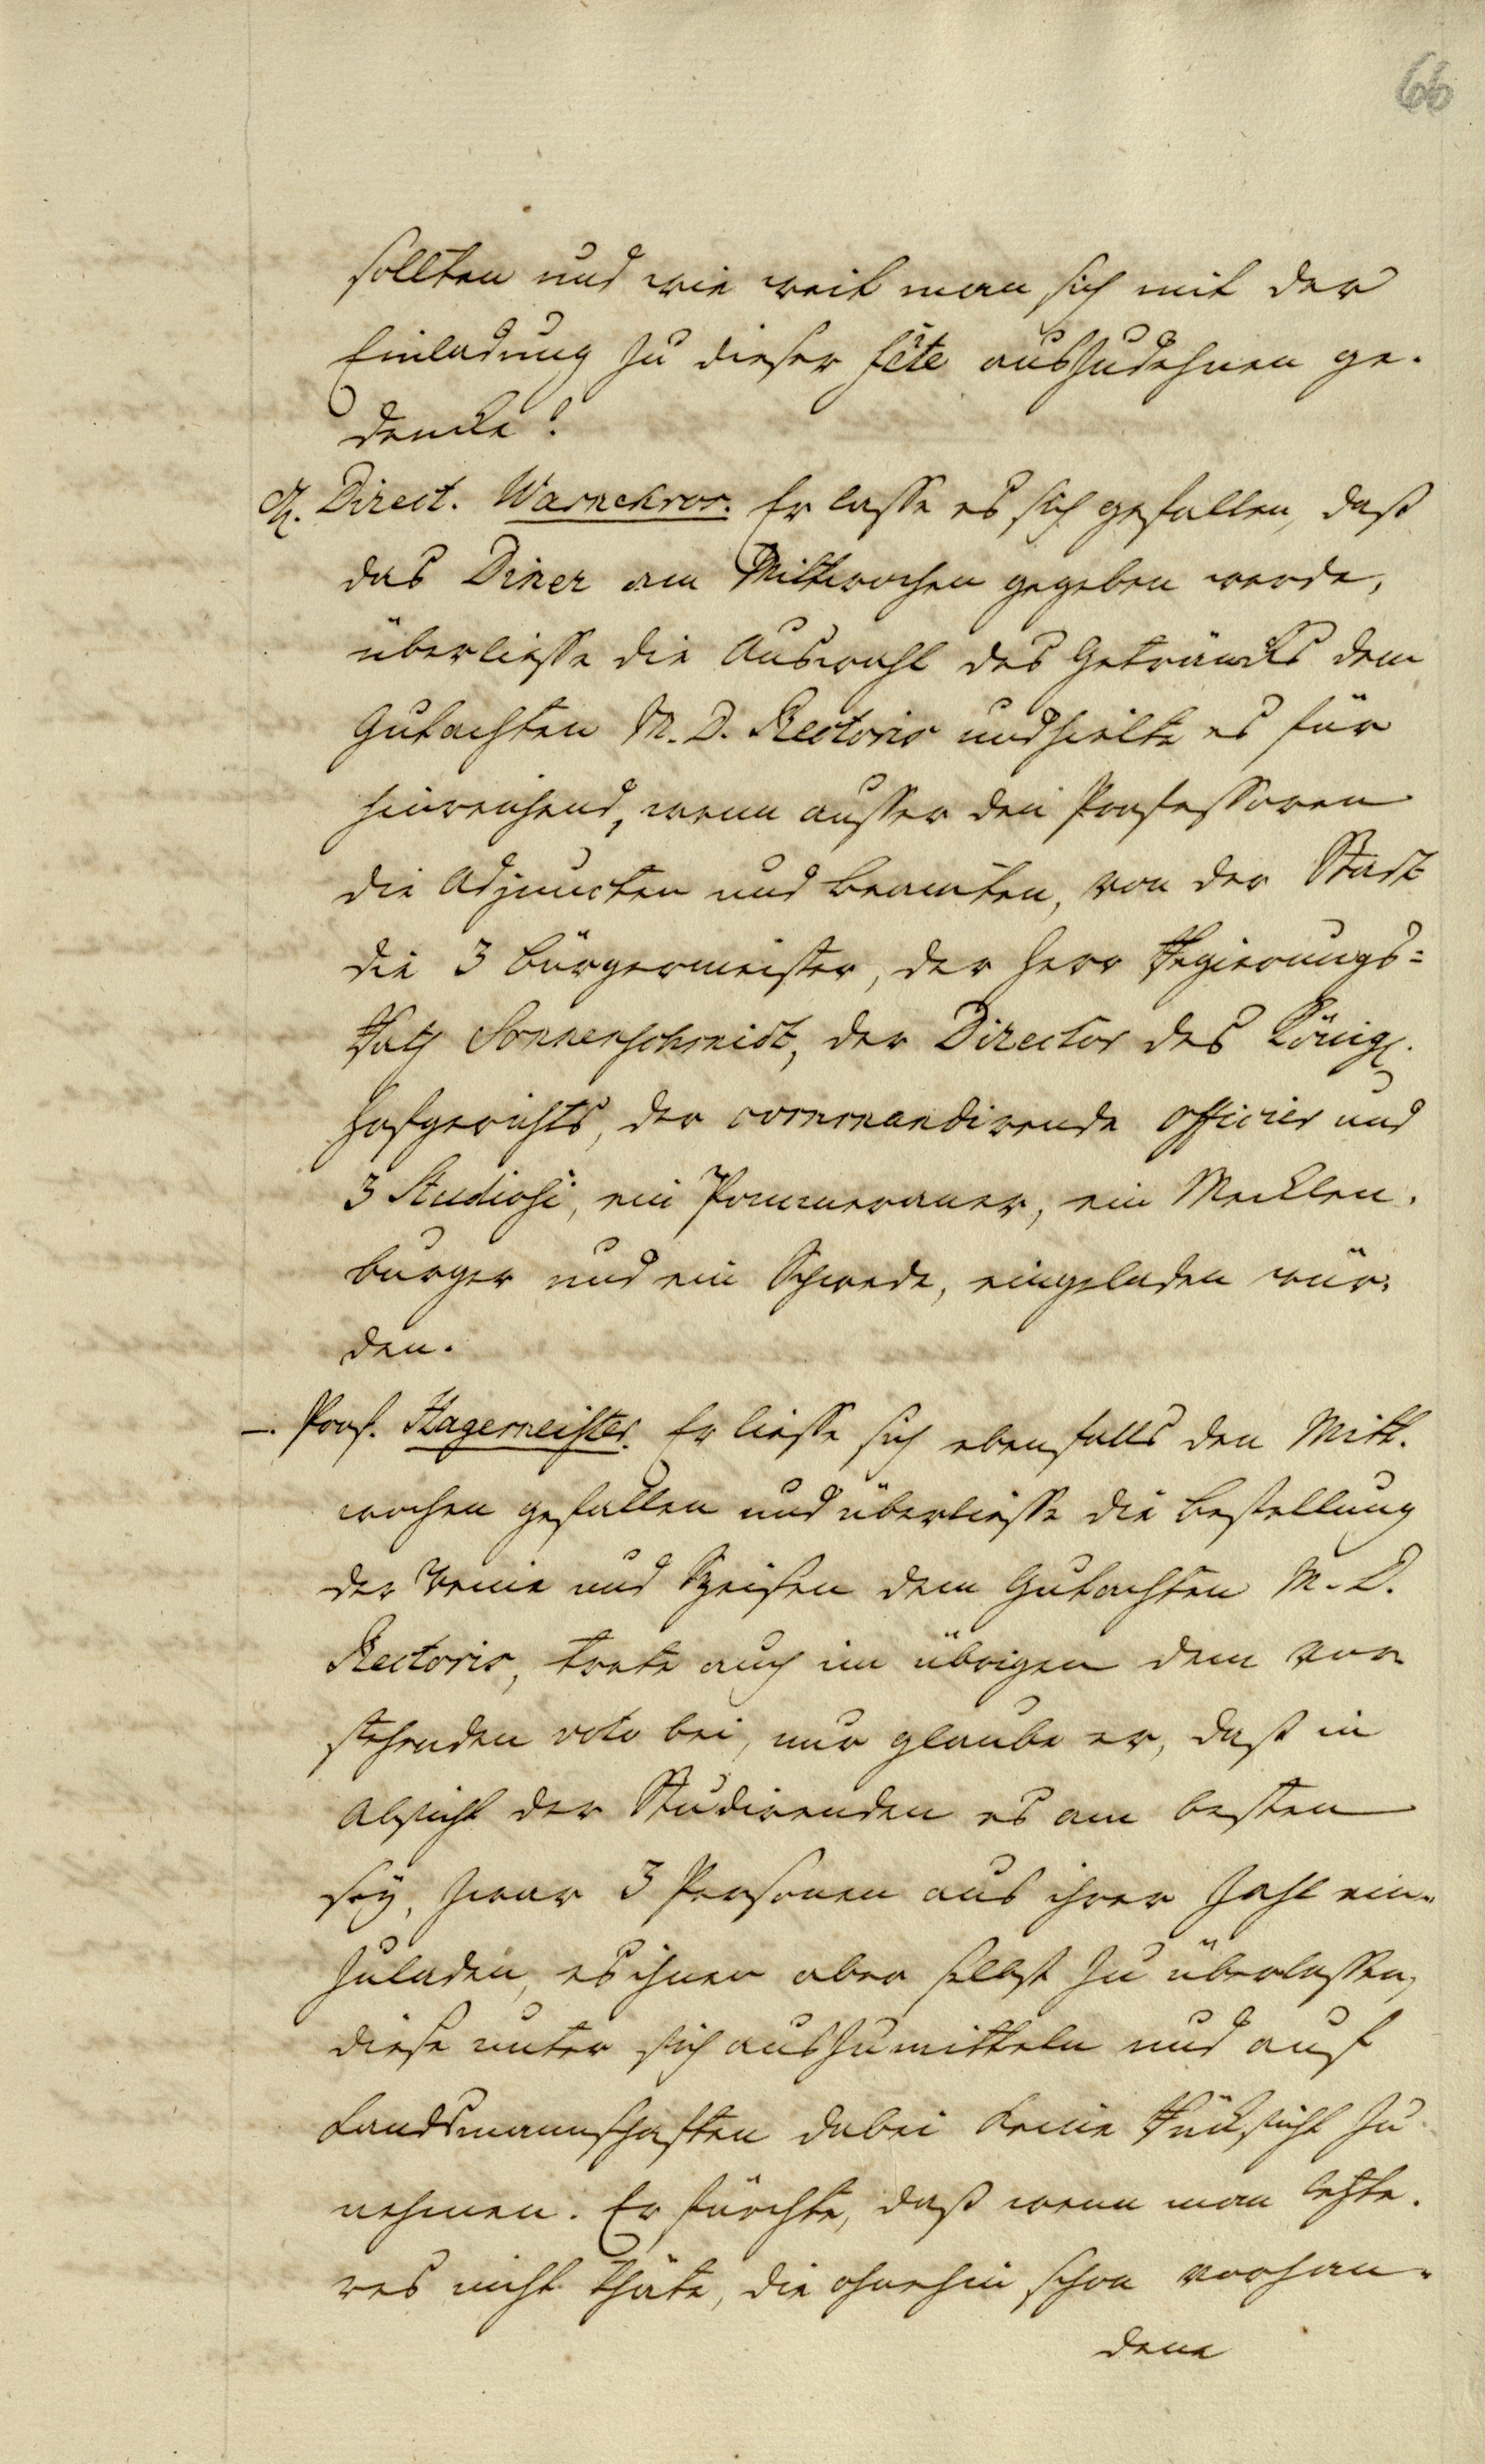sollten und wie weit man sich mit der
Einladung zu dieser feite auszudehnen ge¬
dencke?
dh. Direct. Warnekros. Er lasse es sich gefallen daß
das Diner am Mittwochen gegeben werde,
überliesse die Auswahl des Geträncks dem
Gutachten M. D. Rectoris und hielte es für
hinreichend, wenn ausser den Professoren
die Adjuncten und Beamten, von der Stadt
die 3 Bürgermeister, der Herr Regierungs¬
Rath Sonnenschmidt, der Director des Königl.
Hofgerichts, der commandirende Officier und
3 Studiosi, ein Pommeraner, ein Mecklen¬
burger und ein Schwede, eingeladen wür¬
den.
Prof. Hagemeister. Er liesse sich ebenfalls den Mitt¬
wochen gefallen und überliesse die Bestellung
der Weine und Speisen dem Gutachten M. D.
Rectoris, trete auch im übrigen dem vor¬
stehenden voto bei, nur glaube er, daß in
Absicht der Studirenden es am besten
seÿ, zwar 3 Personen aus ihrer Zahl ein¬
zuladen, es ihnen aber selbst zu überlassen,
diese unter sich auszumitteln und auf
Landsmannschaften dabei keine Rücksicht zu
nehmen. Er fürchte, daß wenn man letzte¬
res nicht thäte, die ohnehin schon vorhan¬
dene